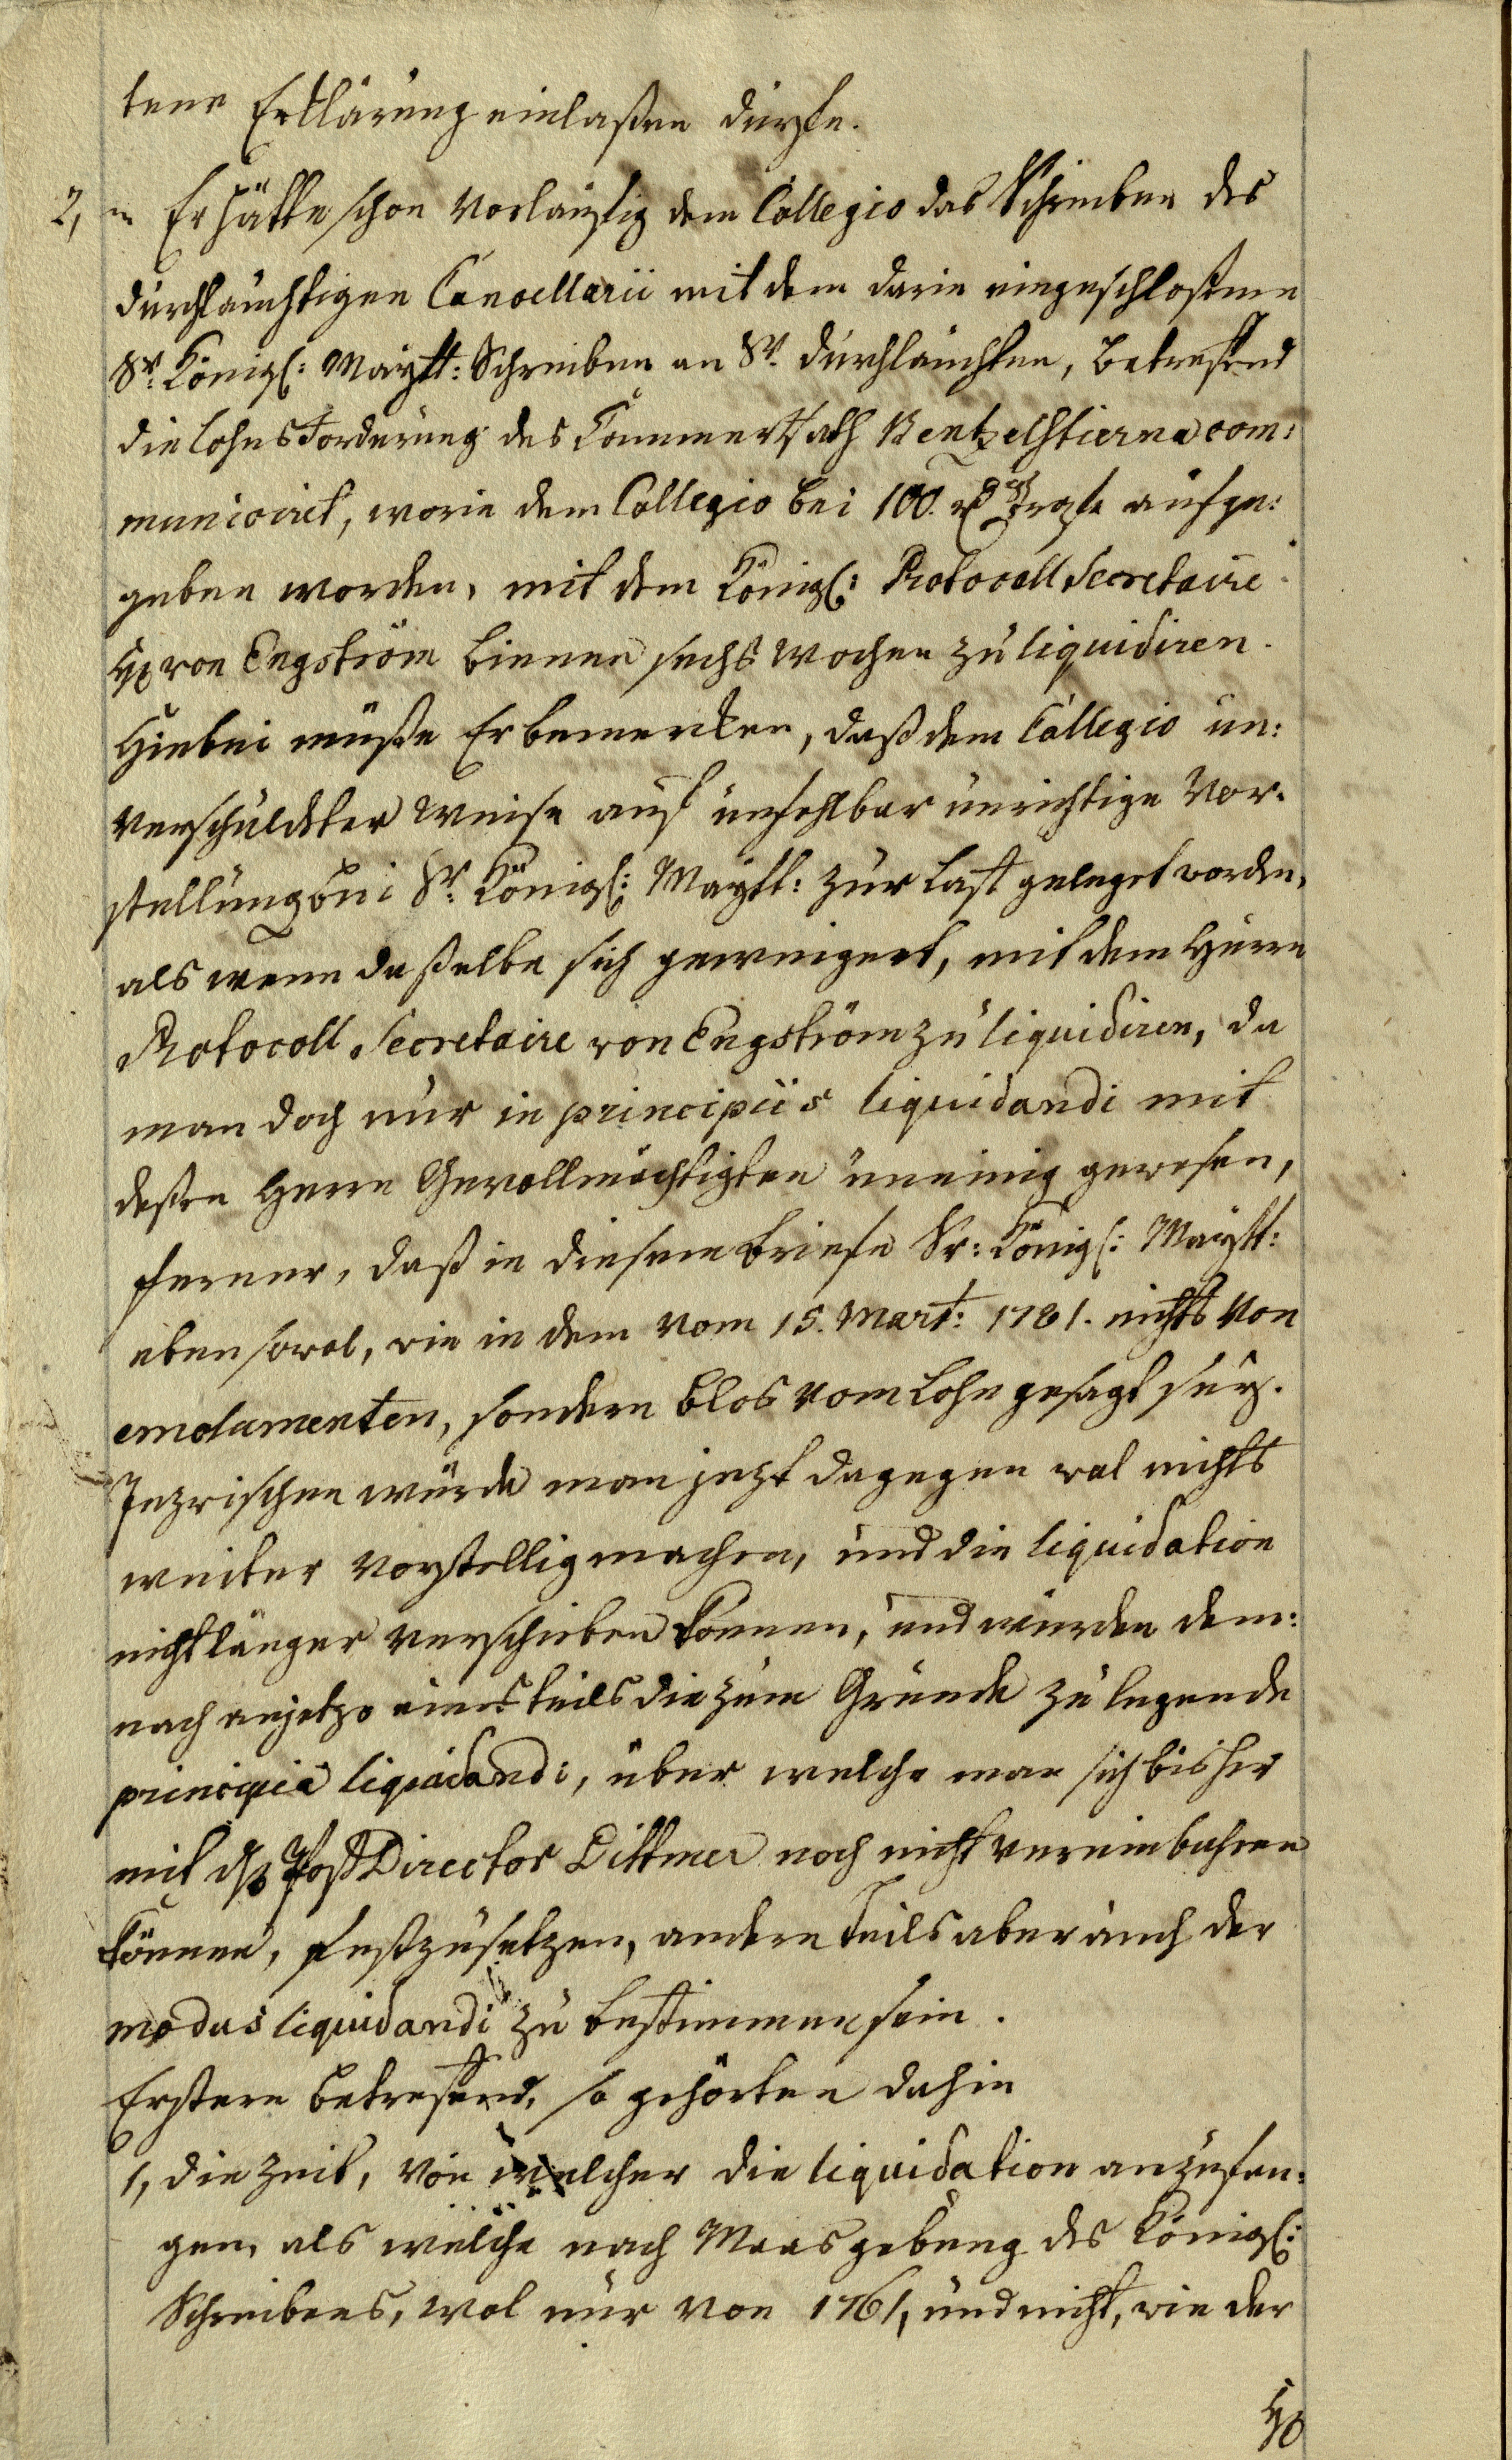tene Erklärung einlaßen dürfe.
2, Er hätte schon vorläufig dem Collegio das Schreiben des
durchläuchtigen Cancellarii mit dem darin eingeschloßenen
Sr Königl. Maÿtt. Schreiben an Sr Durchlauchten, betreffend
die LohnsForderung des CammerRath Bentzelstierna com¬
municiret, worin dem Collegio bei 100 r Strafe aufge¬
geben worden, mit dem Königl. Protocoll Secretaire
hr. von Engström binnen sechs Wochen zu liquidiren.
Hiebei müße Er bemerken, daß dem Collegio un¬
verschuldeter Weise auf unfehlbar unrichtige Vor¬
stellung bei Sr Königl. Maÿtt. zur Last geleget worden,
als wenn daßelbe sich geweigert, mit dem Herrn
Protocoll Scretaire von Engström zu liquidiren, da
man doch nur in principiis liquidandi mit
deßen Herrrn Gevollmächtigten uneinig gewesen,
ferner, daß in diesem Briefe Sr. Königl. Maÿtt.
eben sowol, wie in dem vom 15. Mart. 1781. nichts von
emolumenten, sondern blos vom Lohn gesagt seÿ.
Inzwiscen würde man jetzt dagegen wol nichts
weiter vorstellig machen, und die liquidation
nicht länger verschieben können, und würden dem¬
nach anjetzo eines theils die zum Grunde zu legende
principia liquidandi, über welche man sich bisher
mit dh PostDirector Dittmer noch nicht vereinbahren
könne, festzusetzen, andern Teils aber auch der
modus liquidandi zu bestimmen sein.
Erster betreffend, so gehörten dahin
1, die Zeit, von welcher die liquidation anzufan¬
gen, als welche nach Maasgebung des Königl.
Schreibens, wol nur von 1761, und nicht, wie der
H.